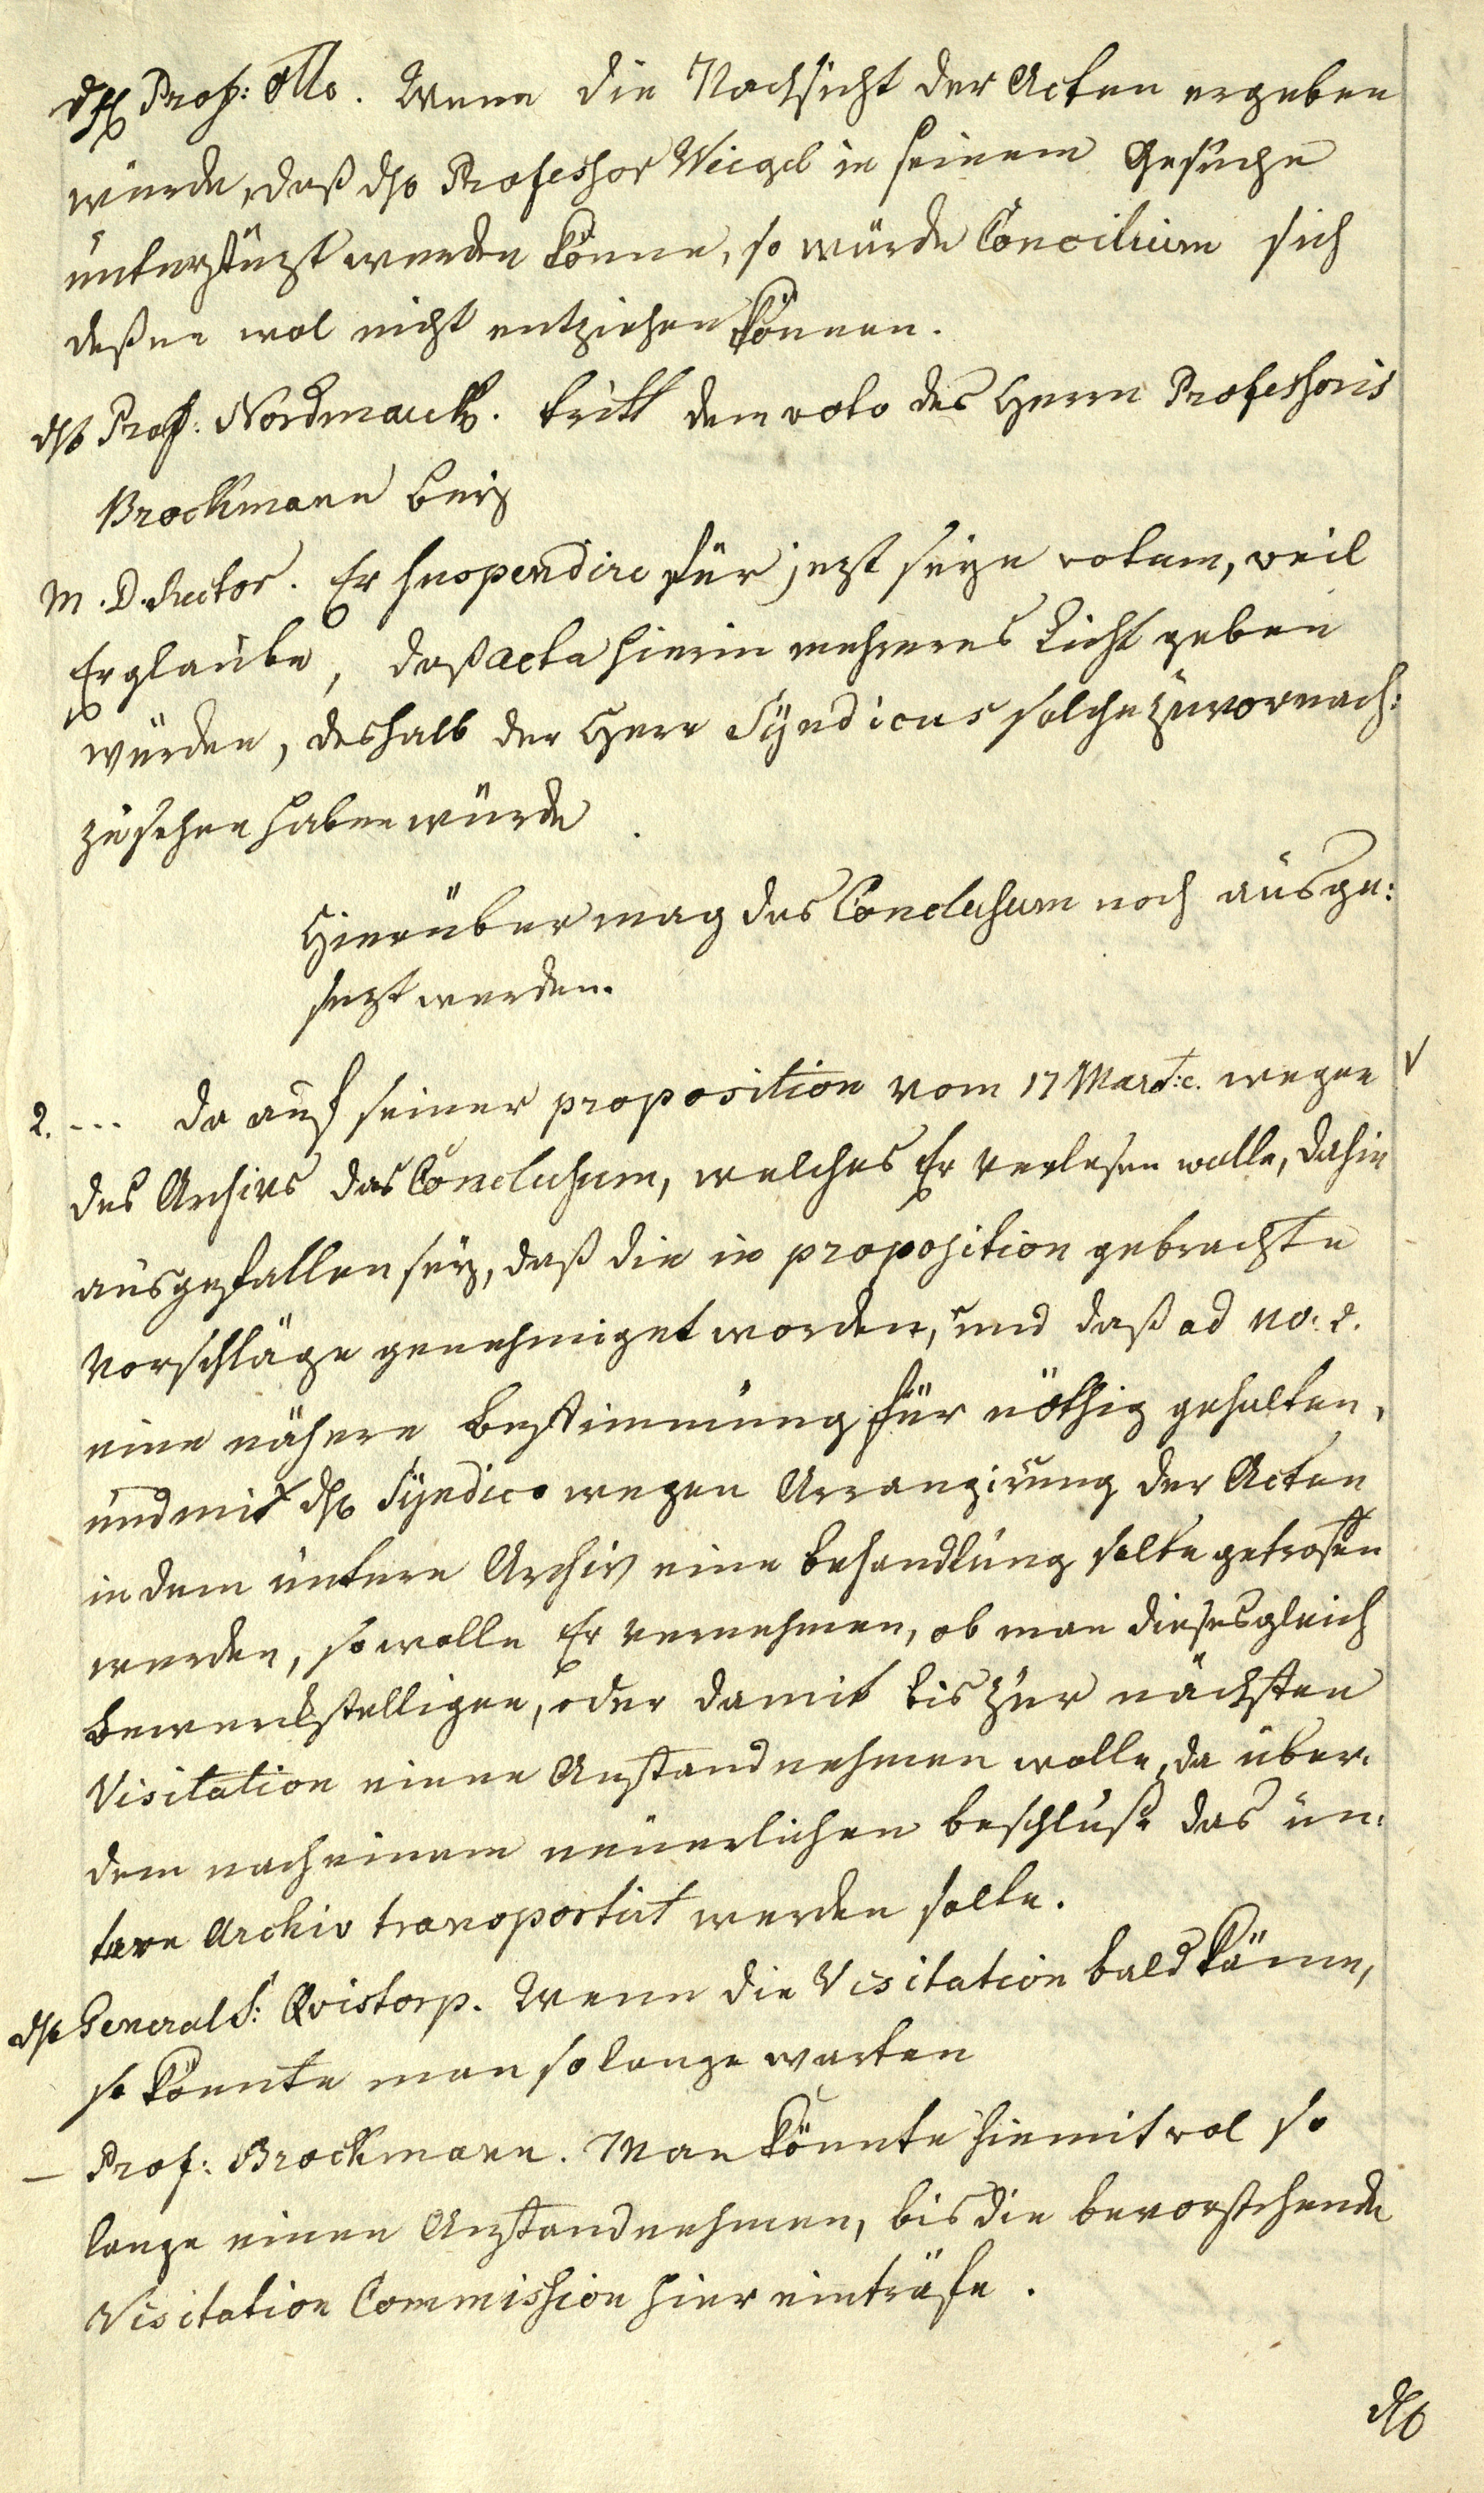dh Prof. Otto. Wenn die Nachsicht der Acten ergeben
würde, daß dh Professor Weigel in seinem Gesuche
unterstüzt werden könne, so würde Concilium sich
deßen wol nicht entziehen können.
dh. Prof. Nordmarck. tritt dem voto des Herrn Professoris
Brockmann beÿ
M. D. Rector. Er suspendire für jezt seÿn votum, weil
Er glaube, daß Acta hierin mehreres Licht geben
würden, deshalb der Herr Sÿndicus solche zuvor nach¬
zusehen haben würde.
Hierüber mag das Conclusum noch ausge¬
sezt werden.
2. Da auf seiner proposition vom 17 Mart. c. wegen
des Archivs das Conclusum, welches Er verlesen wolle, dahin
ausgefallen seÿ, daß die in proposition gebrachte
Vorschläge genehmiget worden, und daß ad No. 2.
eine nähere Bestimmung für nöthig gehalten,
und mit dh Sÿndico wegen Arrangirung der Acten
in dem untern Archiv eine Behandlung solte getroffen
werden, so wolle Er vernehmen, ob man dieses gleich
bewerckstelligen, oder damit bis zur nächsten
Visitation einen Anstand nehmen wolle, da über¬
dem nach einem neuerlichen Beschluße das un¬
tere Archiv transportirt werden solte.
dh GeneralS. Quistorp. Wenn die Visitation bald käme
so könnte man so lange warten
Prof. Brockmann. Man könnte hiemit wol so
lange einen Anstand nehmen, bis die bevorstehende
Visitation Commission hier einträfe.
dh